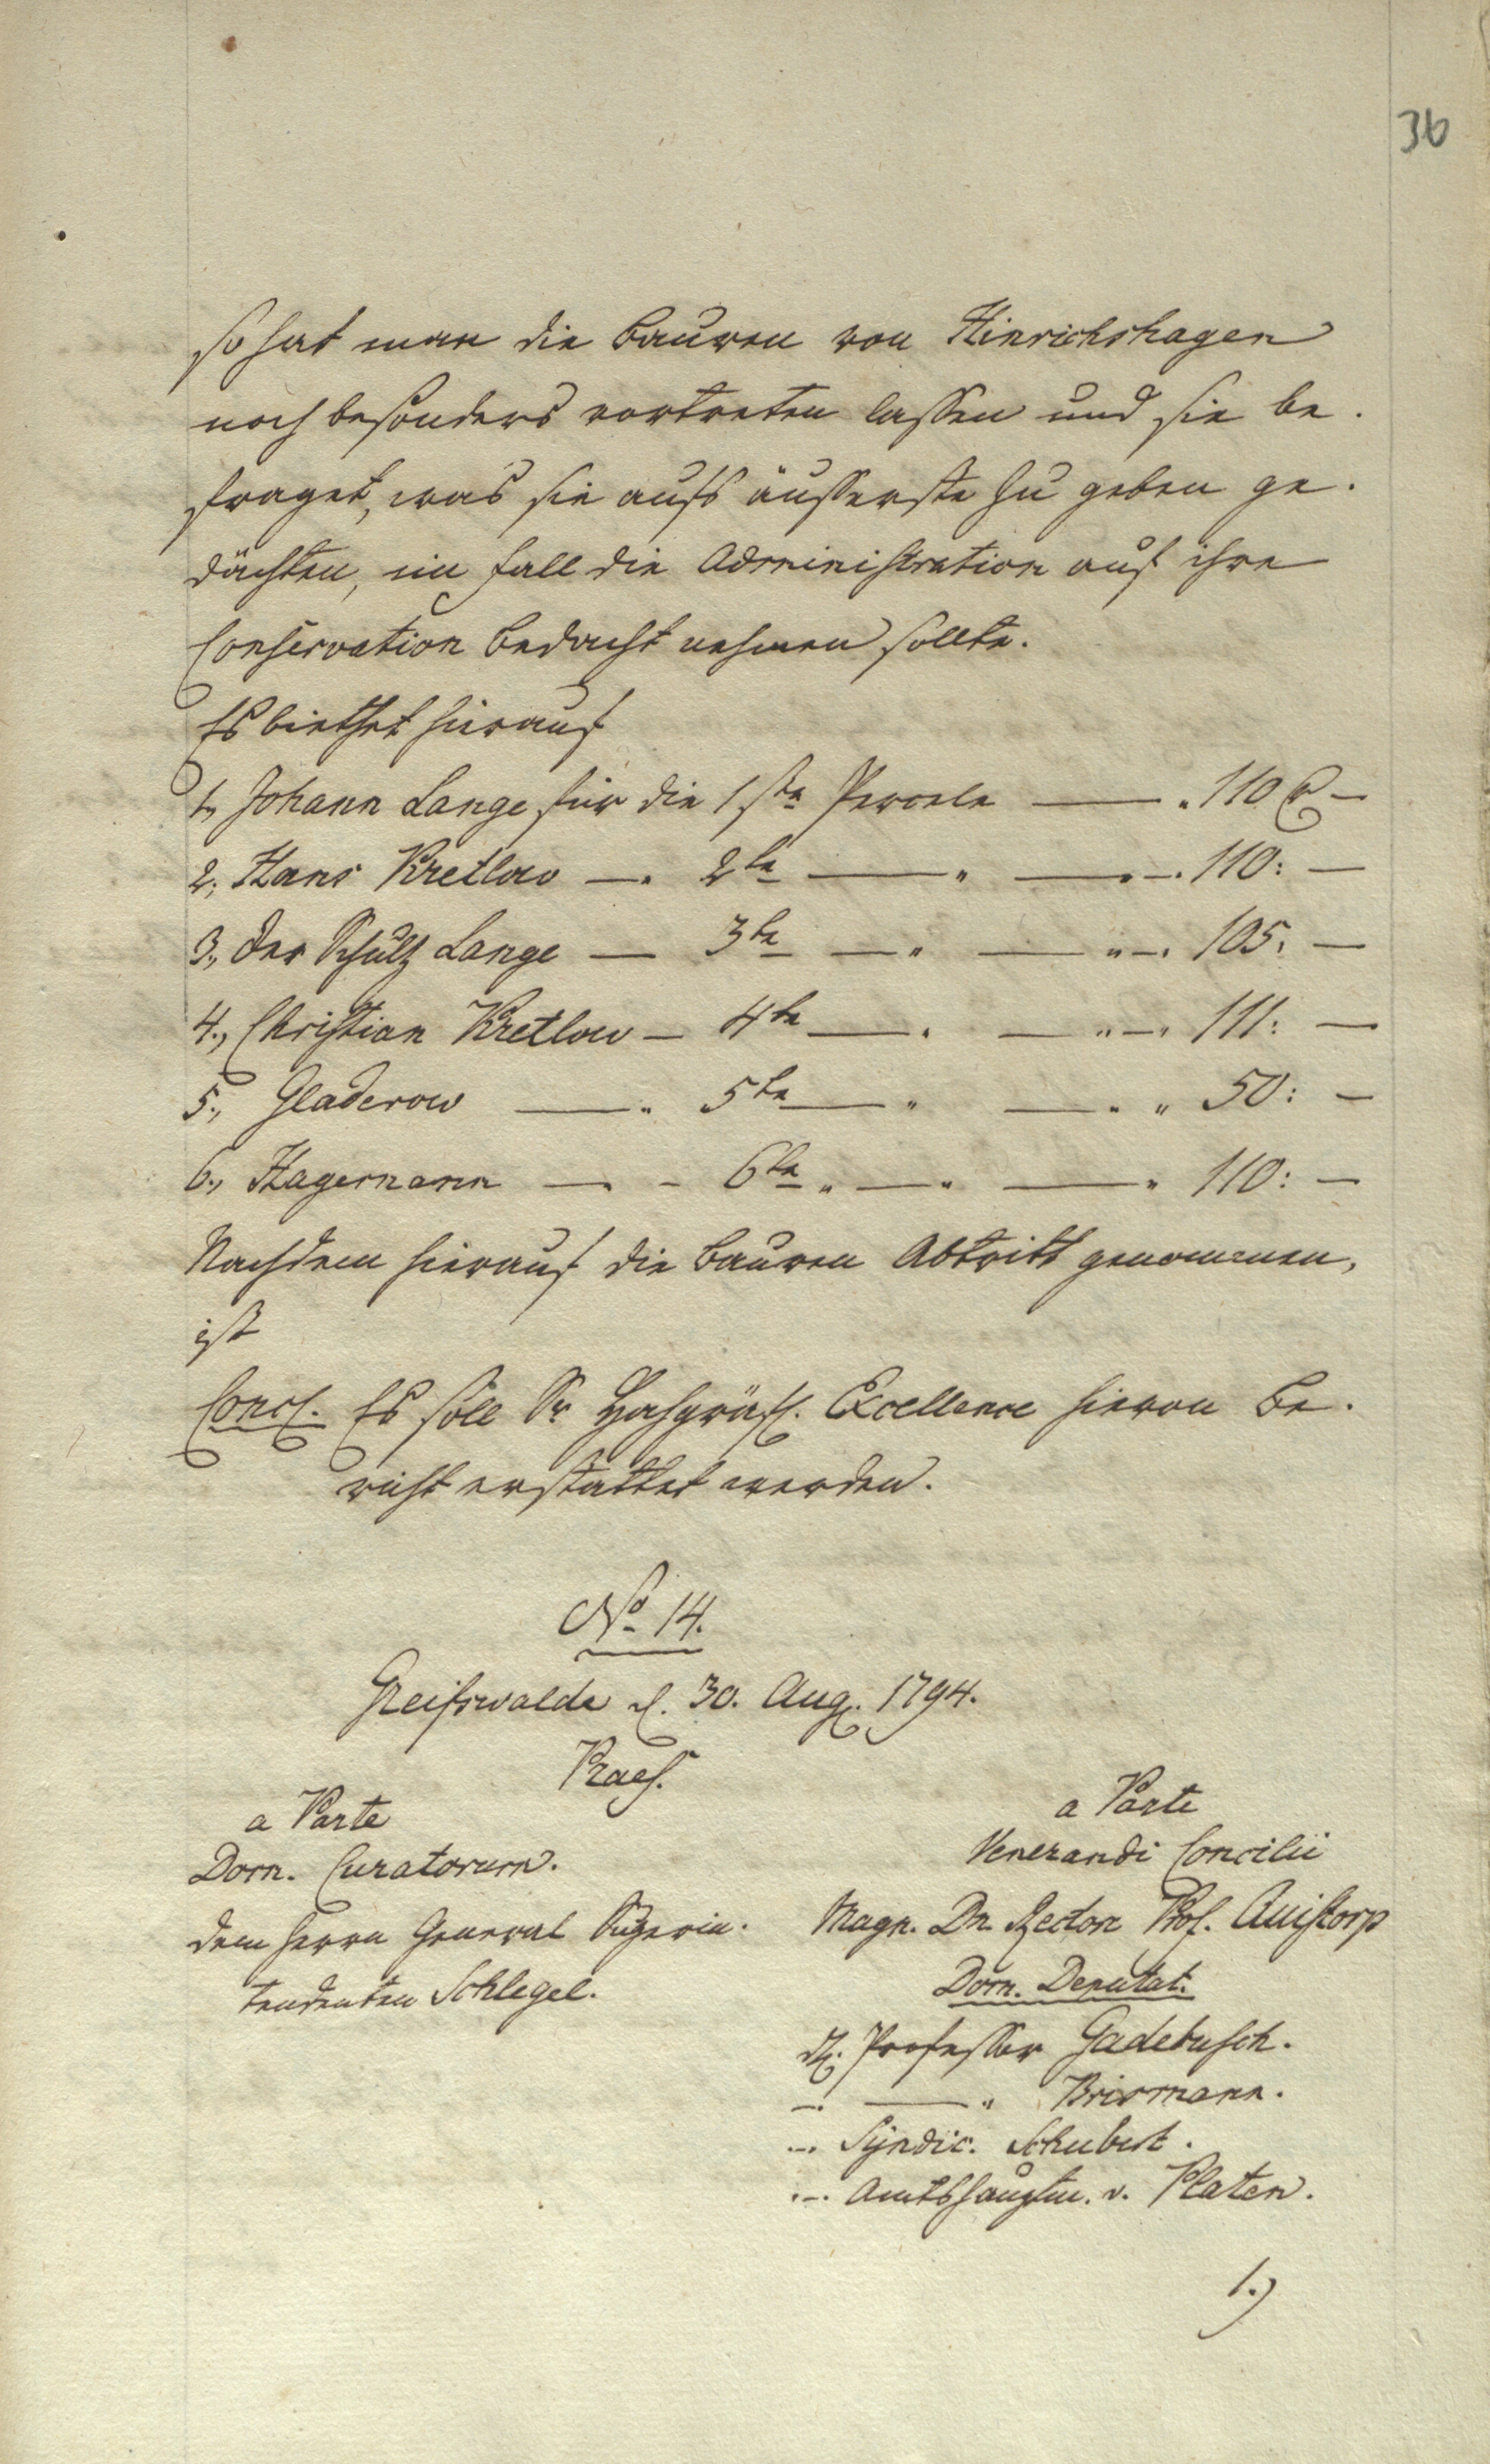so hat man die Bauren von Hinrichshagen
noch besonders vortreten lassen und sie be¬
fraget, was sie aufs äusserste zu geben ge¬
dächten, im Fall die Administration auf ihre
Conservation Bedacht nehmen sollte.
Es biethet hierauf
1., Johann Lange für die 1 ste Percele 110 l.
2., Hans Kretlow 2 te 110:
3., der Schulz Lange 3 te 105:
4., Christian Kretlow 4 te 111:
5., Gladerow 5 te 50:
6., Hagemann 6 te 110:
Nachdem hierauf die Bauren Abtritt genommen,
ist
Concl. Es soll Sr Hochgräfl. Excellence hievon Be¬
richt erstattet werden.
No 14.
Greifswalde d. 30. Aug. 1794.
Praes.
a Parte a Parte
Dom. Curatorum. Venerandi Concilii
dem Herrn General Superin¬ Magn. Dn. Rector Prof. Quistorp
tendenten Schlegel. Dom. Deputat.
dh. Professor Gadebusch.
Brismann.
Sÿndic. Schubert.
Amtshauptm. v. Platen.
1.,